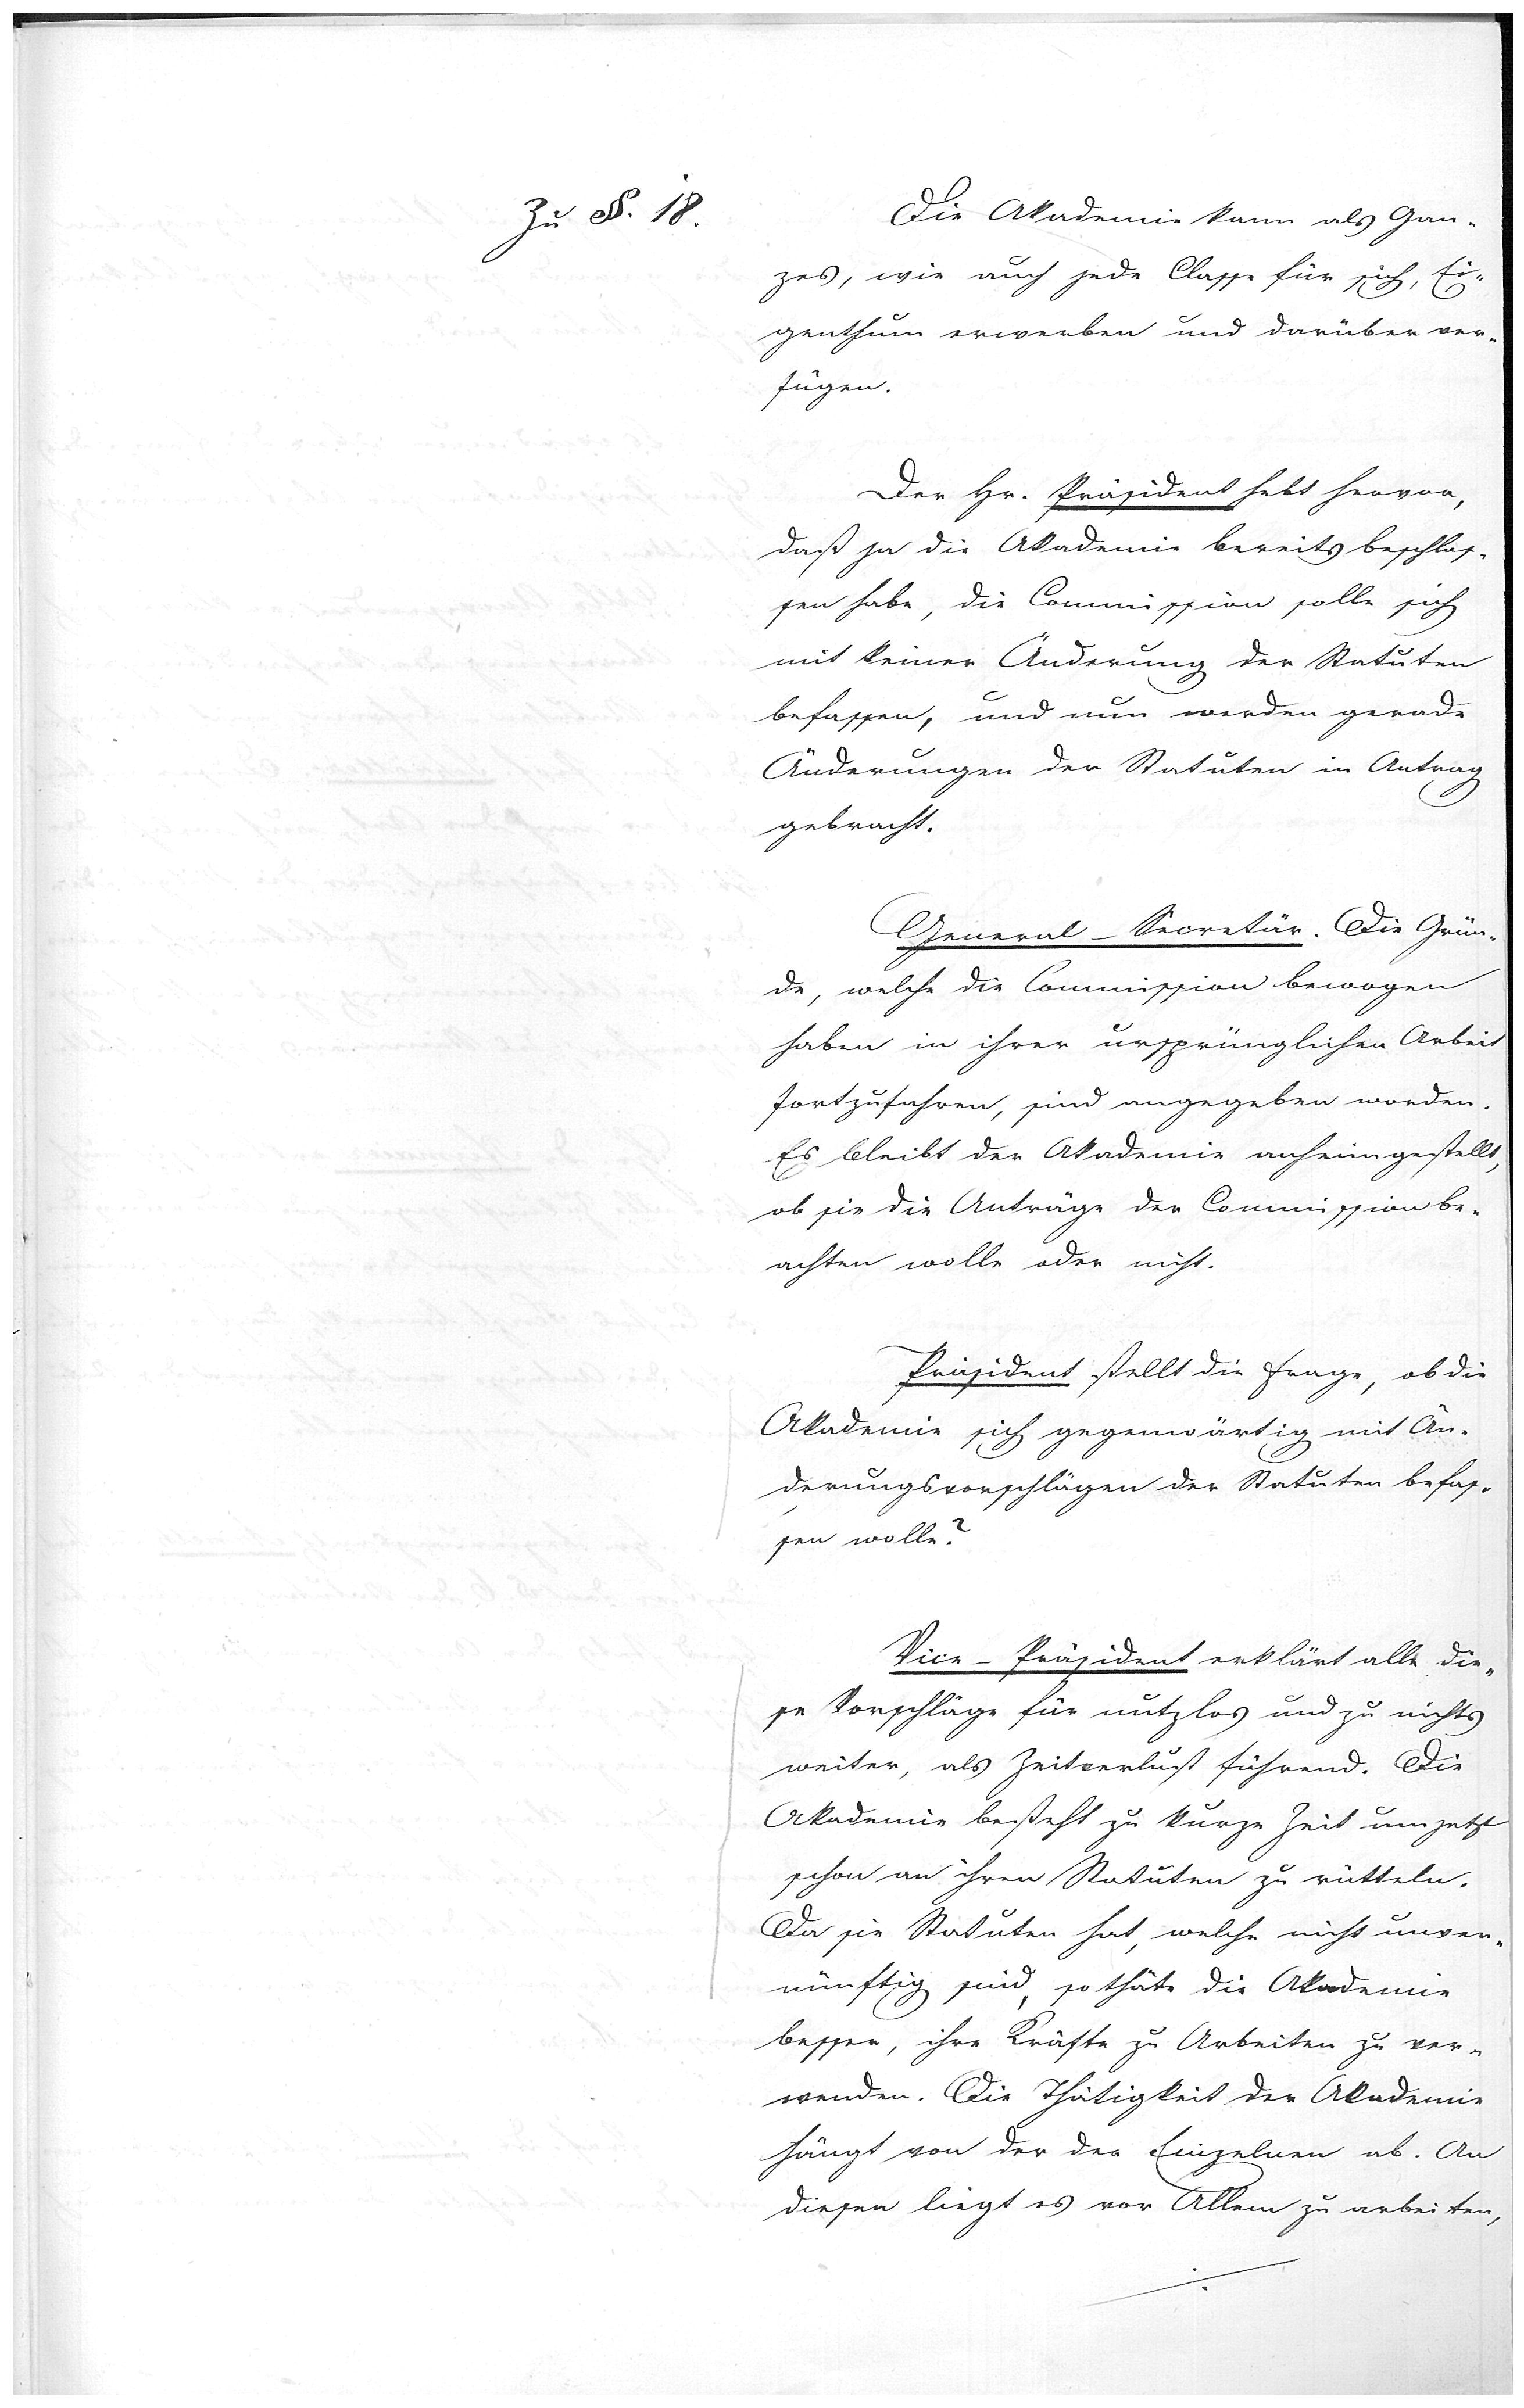Zu §. 18.
Die Akademie kann als Gan-
zes, wie auch jede Classe für sich, Ei-
genthum erwerben und darüber ver-
fügen.
Der Hr. Präsident hebt hervor,
daß ja die Akademie bereits beschlos-
sen habe, die Commission solle sich
mit keiner Änderung der Statuten
befassen, und nun werden gerade
Änderungen der Statuten in Antrag
gebracht.
General-Secretär. Die Grün-
de, welche die Commission bewogen
haben in ihrer ursprünglichen Arbeit
fortzufahren, sind angegeben worden.
Es bleibt der Akademie anheimgestellt,
ob sie die Anträge der Commission be-
achten wolle oder nicht.
Präsident stellt die Frage, ob die
Akademie sich gegenwärtig mit Än-
derungsvorschlägen der Statuten befas-
sen wolle?
Vice-Präsident erklärt alle die-
se Vorschläge für nutzlos und zu nichts
weiter, als Zeitverlust führend. Die
Akademie besteht de kurze Zeit um jetzt
schon an ihren Statuten zu rütteln.
Da sie Statuten hat, welche nicht unver-
nünftig sind, so thäte die Akademie
besser, ihre Kräfte zu Arbeiten zu ver-
wenden. Die Thätigkeit der Akademie
hängt von der der Einzelnen ab. An
diesen liegt es vor Allem zu arbeiten,